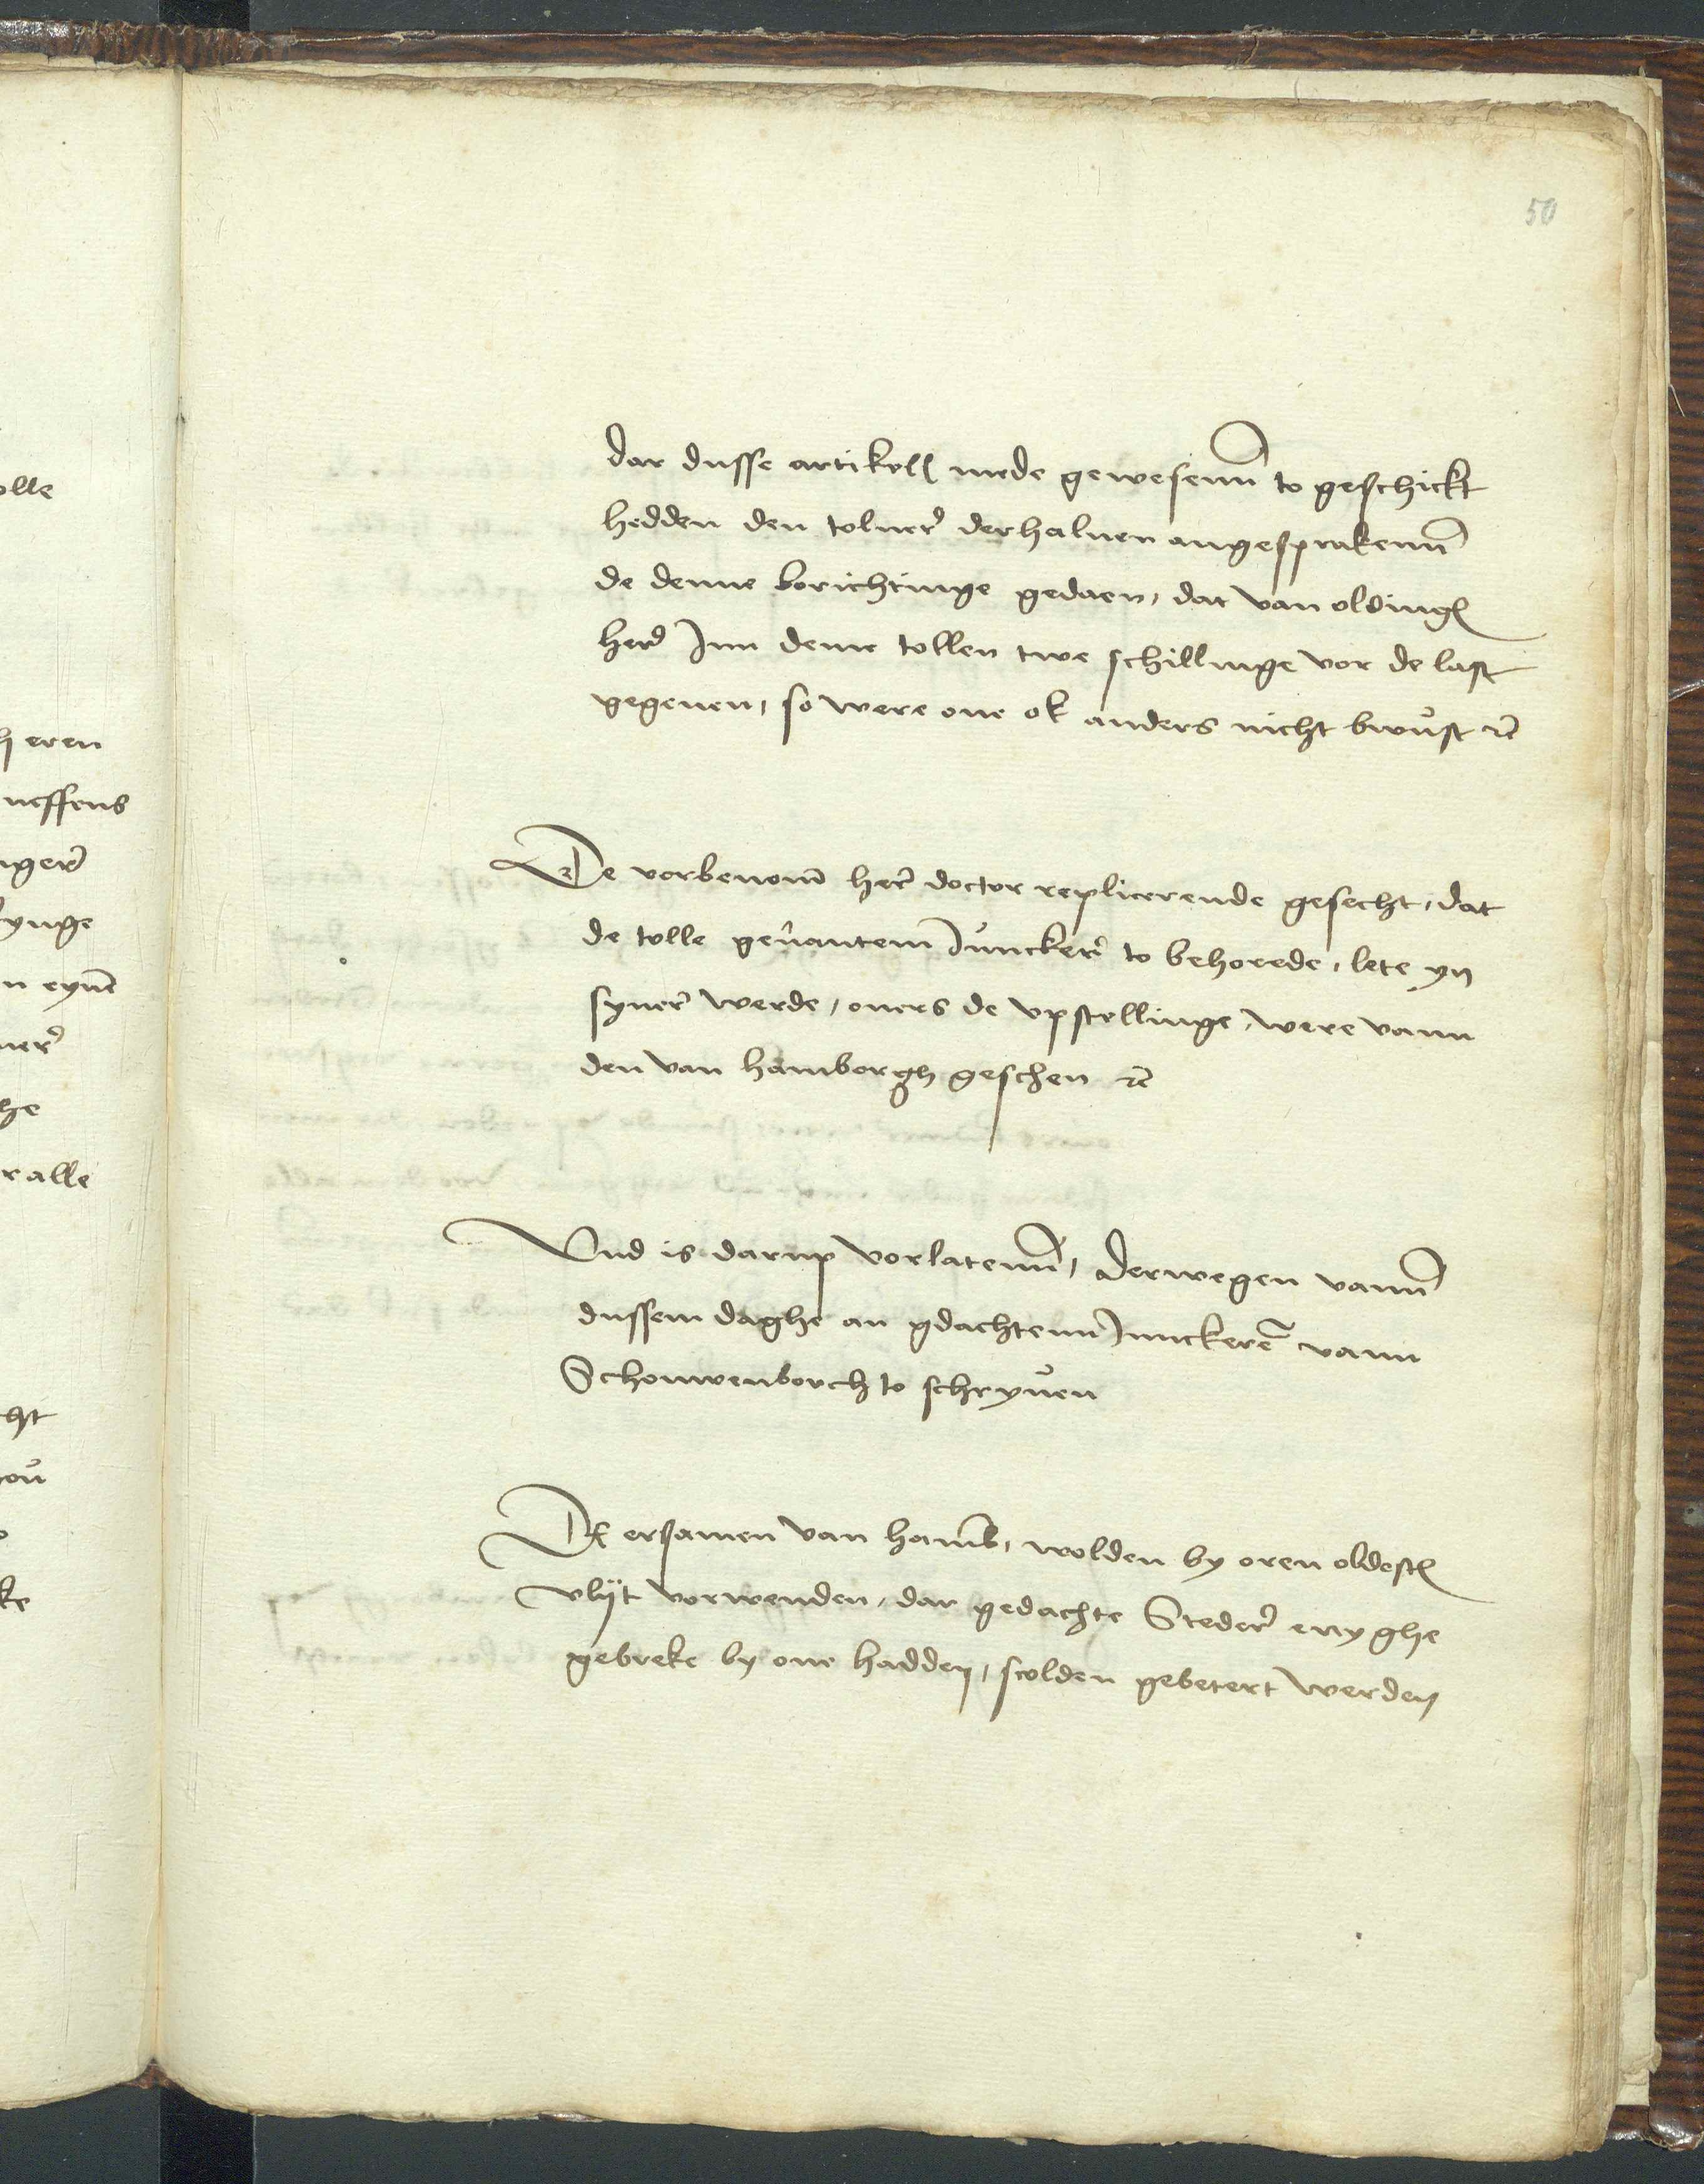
dar dusse artikell mede gewesenn togeschickt
hedden den tolner derhaluen angesprakenn
de denne borichtinge gedaen, dat van oldinges
her Jnn deme tollen twe schillinge vor de last
gegeuen, so were one ok anders nicht bwust etc
De vorbenomde her doctor replicerende gesecht, dat
de tolle genantem Juncker to behorede, lete yn
syner werde, ouers de vpstellinge were vann
den van hamborgh geschen etc
Vnd is darup vorlatenn, derwegen vann
dussem daghe an gdachtenn Junckere vann
Schouwenborgh to schryuen
De ersamen van hamburg, wolden by oren oldesten
vlijt vorwenden, dar gedachte Steder enyghe
gebreke by one hadden, scolden gebetert werden
